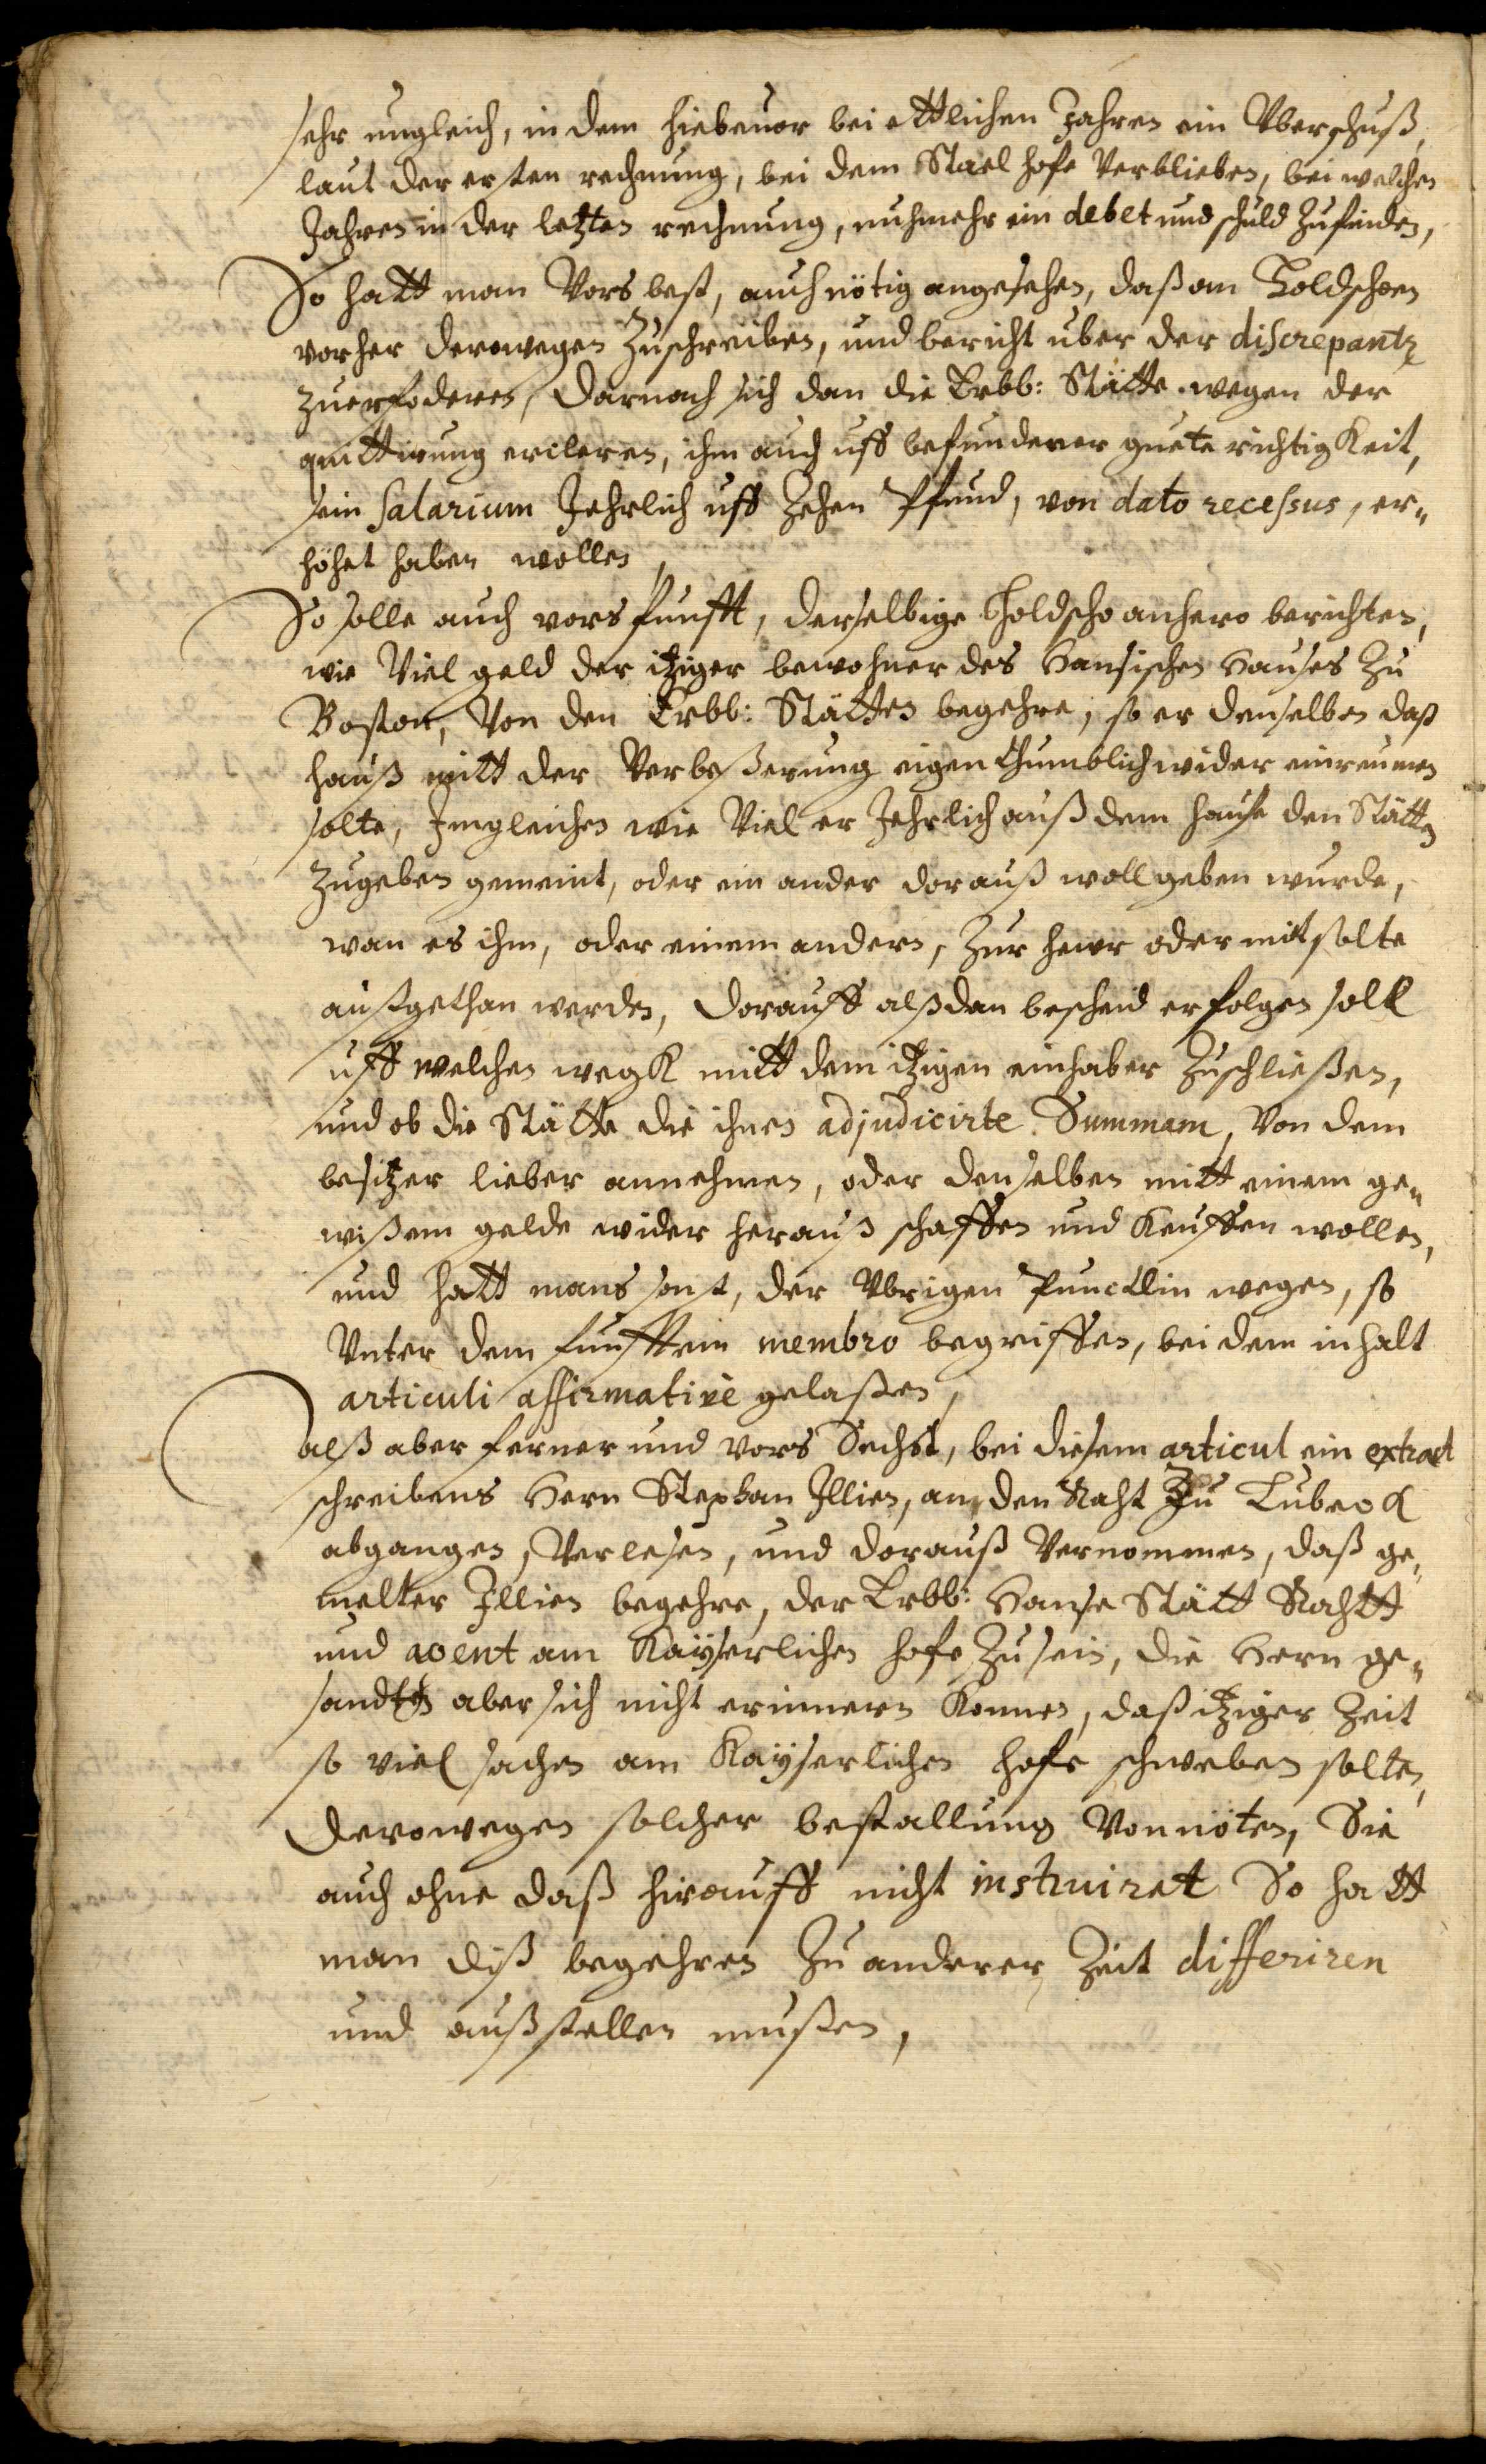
sehr ungleich, in dem hiebeuor bei ettlichen Jahren ein Vberschuß,
laut der ersten rechnung, bei dem Staelhofe verblieben, bei welchen
Jahren in der letzten rechnung, nuhmehr ein debet und schuld zufinden,
So hatt man Vors best, auch nötig angesehen, daß an Holdschoen
vorher derowegen zuschreiben, und bericht uber der discrepantz
zuerfoderen, Darnach sich dan die Erbb: Stätte wegen der
quittirung ercleren, ihm auch uff befundener guete richtigkeit,
sein Salarium Jehrlich uff Zehen Pfund, von dato recessus, er¬
höhet haben wollen,
So solle auch vors funfft, derselbige Holdscho anhero berichten,
wie viel geld der itziger bewohner des Hansischen Hauses zu
Boston, von den Erbb: Stätten begehre, so er denselben daß
hauß mitt der Verbeßerung eigen thumblich wider einreumen
solte, Imgleichen wie Viel er Jehrlich auß dem hause den Stätten
zugeben gemeint, oder ein ander dorauß woll geben wurde,
wan es ihm, oder einem andern, zur hewr oder miet solte
außgethan werden, Dorauff alßdan bescheid erfolgen soll
uff welchen wegk mitt dem itzigen einhaber Zuschließen,
und ob die Stätte die ihnen adjudicirte Summam, von dem
besitzer lieber annehmen, oder denselben mitt einem ge¬
wißem gelde wider herauß schaffen und keuffen wollen,
und hatt mans sonst, der vbrigen Punctlin wegen, so
Vnter dem funfftem membro begriffen, bei dem inhalt
articuli affirmative gelaßen,
Alß aber ferner und vors Sechst, bei diesem articul ein extract
schreibens Hern Stephan Illien, an den Raht zu Lubeck
abgangen, Verlesen, vnd darauß Vernommen, daß ge¬
melter Illien begehre, der Erbb: Hanse Stätt Rahtt
und agent am Kaijserlichen hofe zu sein, die Hern ge¬
sandten aber sich nicht erinnern konnen, daß itziger Zeit
so viel sachen am Kaijserlichen hofe schweben solten,
Derowegen solcher bestallung Von nöten, Sie
auch ohne daß hirauff nicht instruiret So hatt
man diß begehren zu anderer Zeit differiren
und außstellen mußen,
